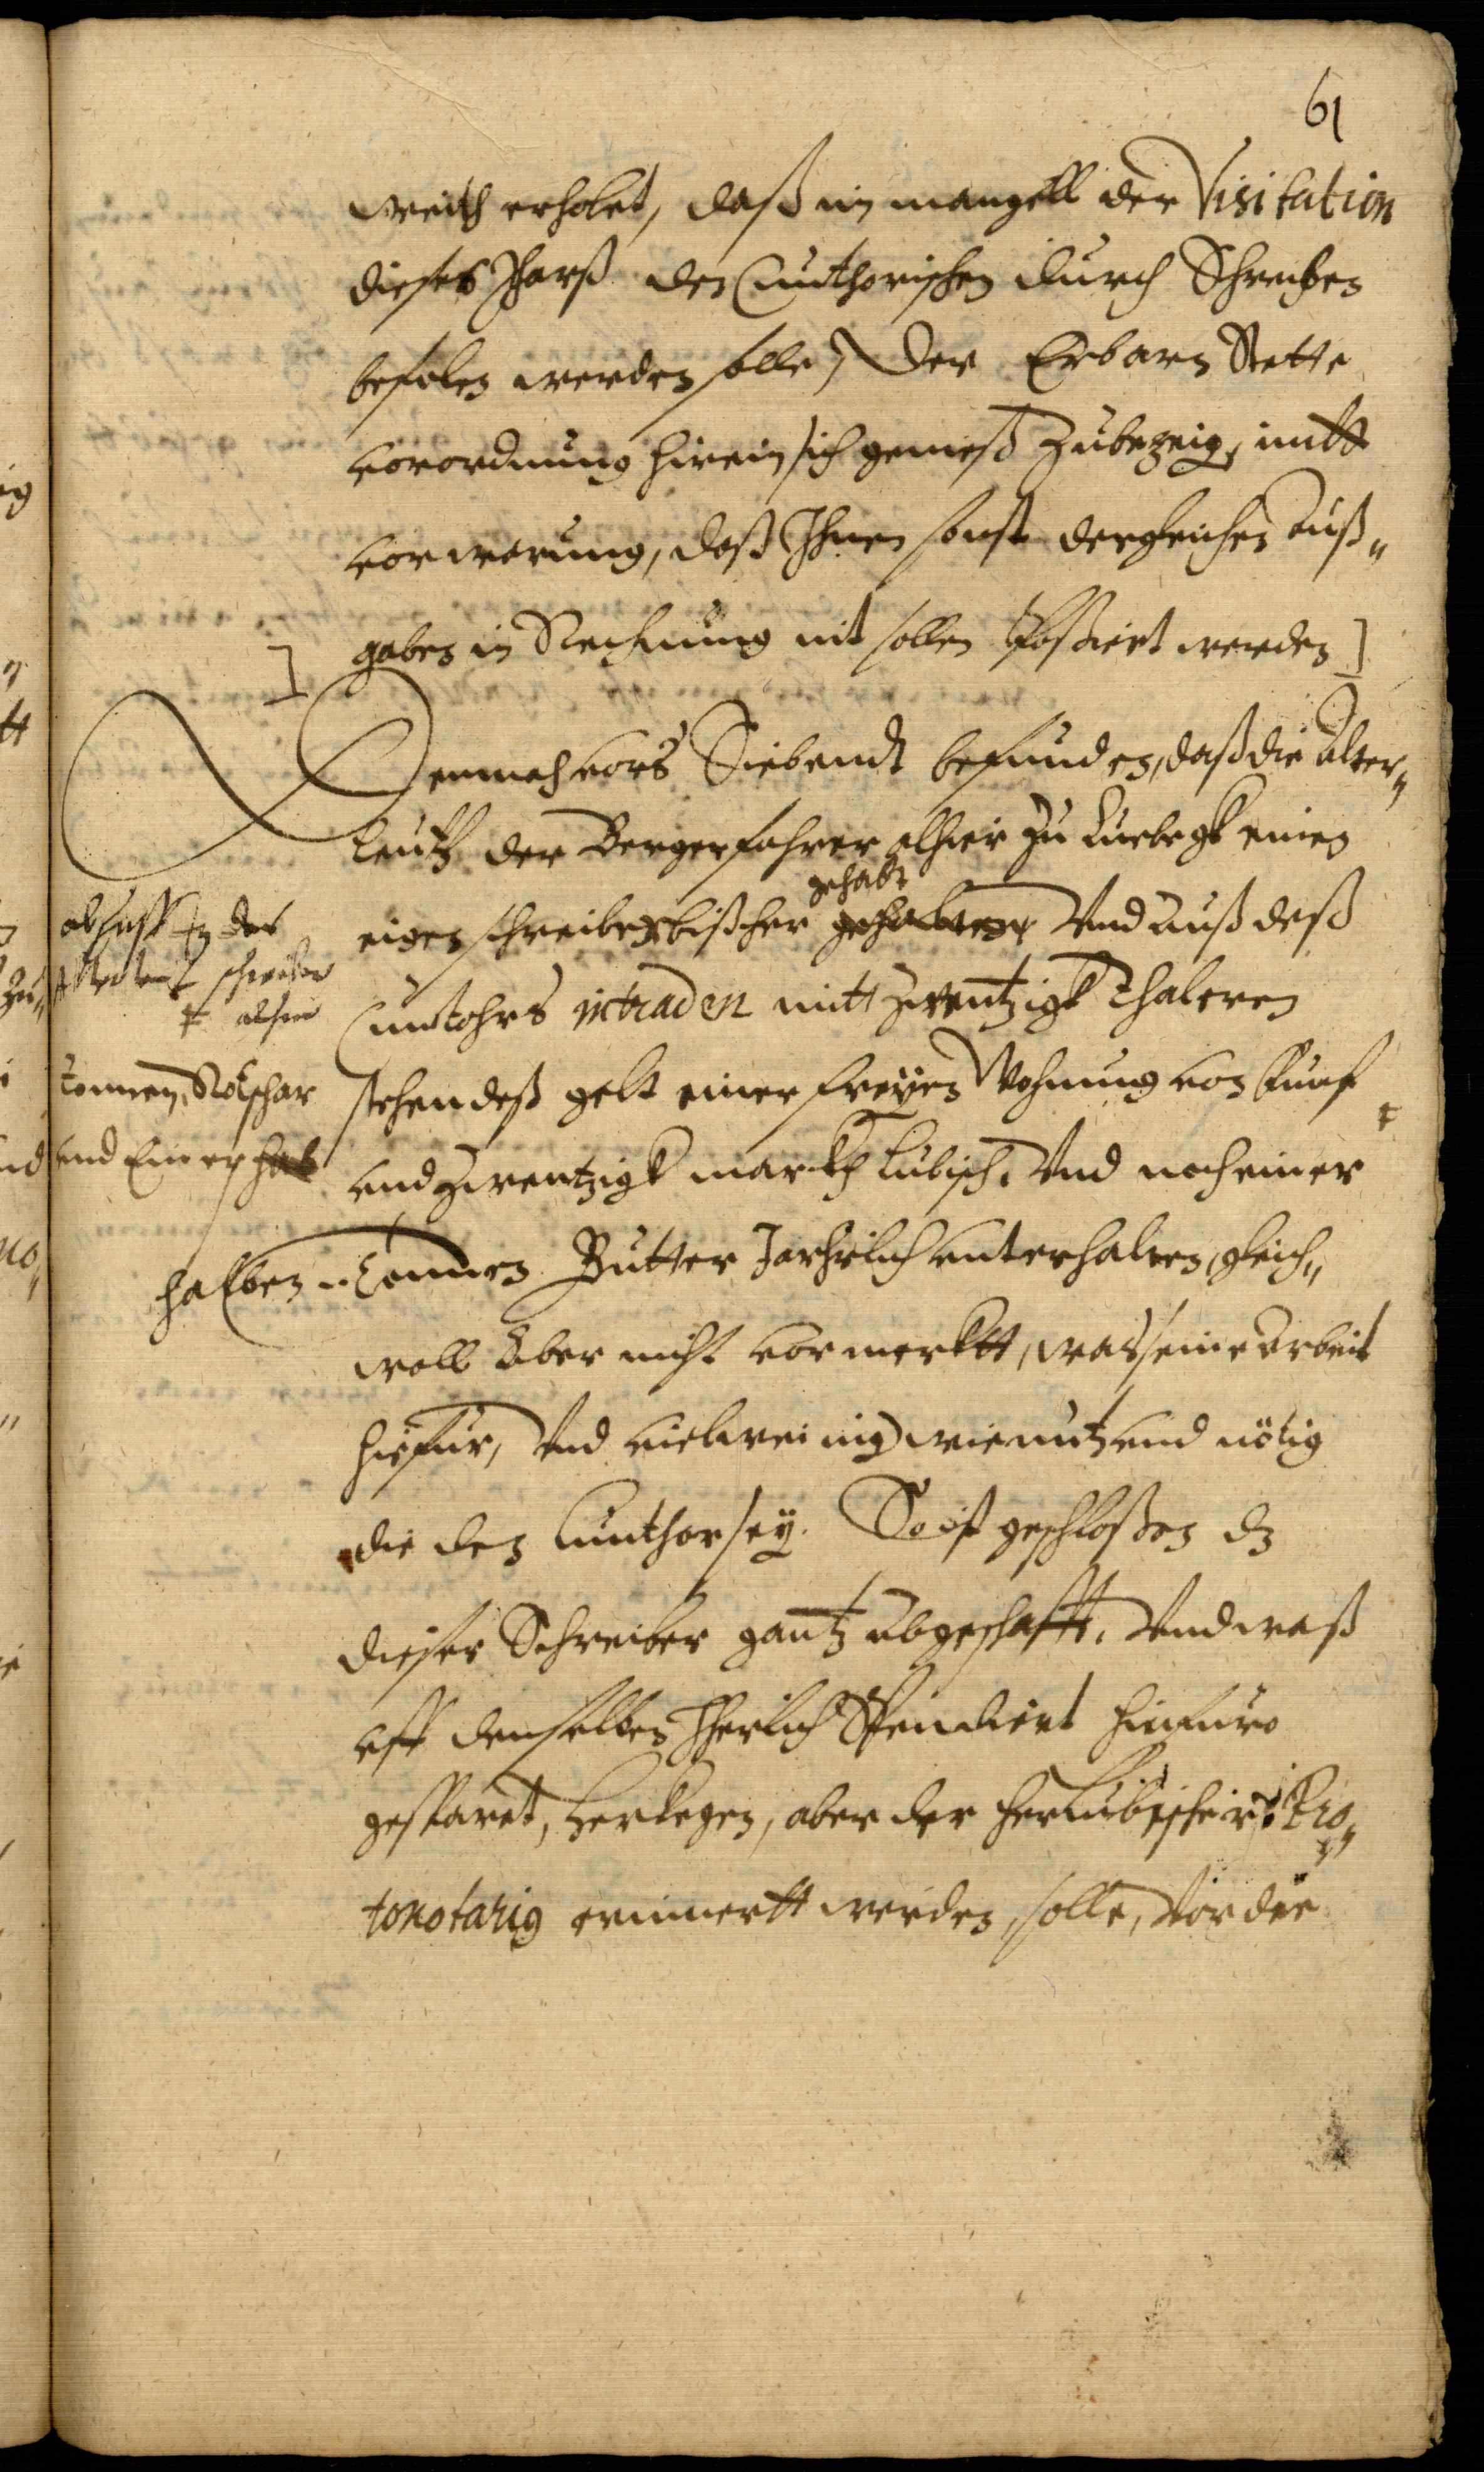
61
weith erholet, daß im mangell der Visitation
dieses Jharß den Cunthorischen durch Schreiben
befolen werden solle, Der Erbarn Stette
vorordnung hirein sich gemeß zubezeigen mitt
vorwarung, daß Ihnen sonst dergleichen Auß¬
] gaben in Rechnung nit sollen Paßiert werden ]
Demnah vorß Siebendt befunden, daß die Alter¬
leuth der Bergerfahrer alhier zu Luebegk einen
eigen schreiber bißher gehabt gehabt, Vnd Auß deß
Cuntohrs intraden mitt zwentzigk Thaleren
stehendeß gelt einer freijen Wohnung von Funf
vnd zwentzigk markh Lubisch. Vnd noch einer F
halben .. Tonnen Butter Jarhrlich vnterhalten, gleich¬
woll aber nicht vormerktt, was seine Arbeit
hiefur, vnd vielweiniger wie nutz vnd nötig
die den Cunthor seij. So ist geschloßen das
dieser Schreiber gantz Abgeschafft, Vnd waß
vff denselben Jherlich Spendiert hinfuro
gesparet, herkegen, aber der her Lubischer: Pro¬
tonotarius erinnertt werden, solle, Vor der
absriftten des
Alterleut schreiber
alhier
F
tonnen, Rotschar
vnd Einer hab
